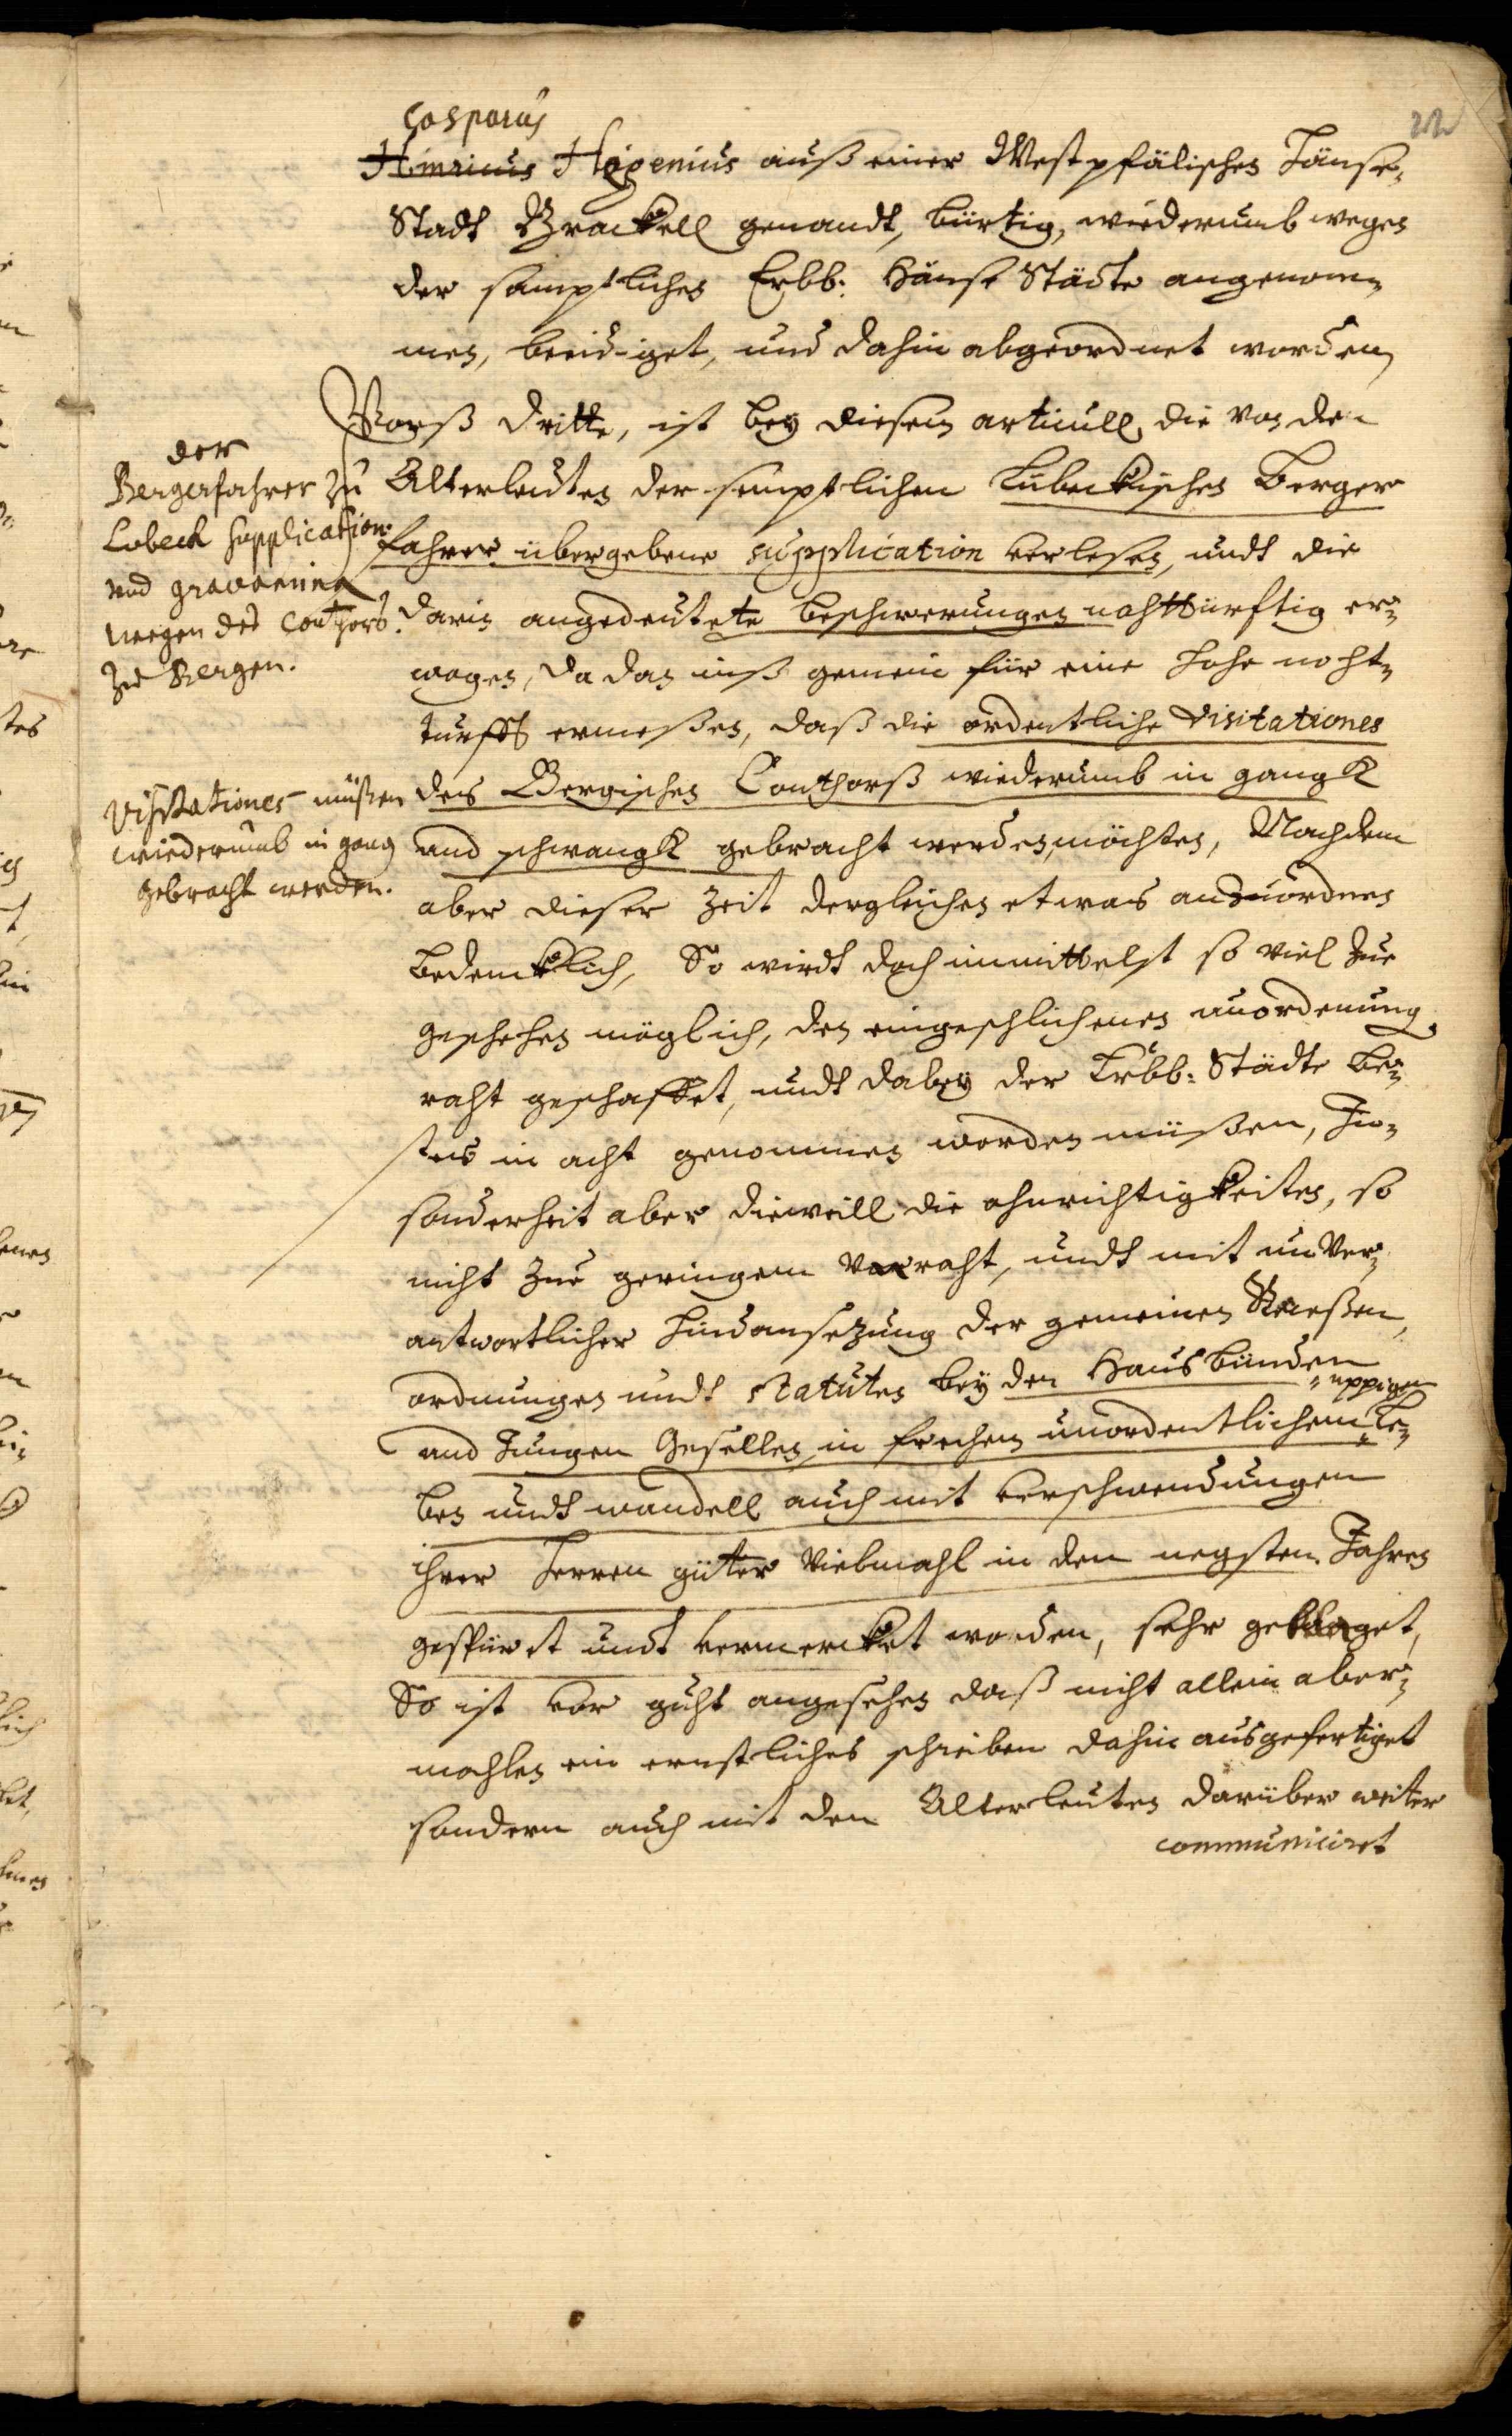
derr
Bergerfahrer Zu
Lubeck supplication
vnd gravamina
wegen des Conthors
zu Bergen
visitationes müßen
wiederumb in gang
gebracht werden.
Casparus
Hinricus Hogenius auß einer Westpfälischen Hänse¬
Stadt Brackell genandt, bürtig, wiederumb wegen
der samptlichen Erbb: Hänse Städte angenom¬
men, beeidiget, und dahin abgeordnet worden,
Vorß dritte, ist beij diesem articull die von den
Alterleuten der semptlichen lubeckischen Berger
fahrer übergebene supplication verlesen, undt die
darin angedeutete beschwerungen nohttürftig er¬
wogen, da dan inß gemein für eine hohe noht¬
turfft ermeßen, daß die ordentliche Visitationes
der Bergischen Conthorß wiederumb in gangk
und schwangk gebracht werden, möchten, Nachdem
aber dieser Zeit dergleichen etwas anzuordnen
bedencklich, So wirdt doch immittelst so viel zur
geschehen möglich, den eingeschlichenen unordenung
raht geschaffet, undt dabeij der Erbb: Städte be¬
stes in acht genommen worden müßen, in¬
sonderheit aber dieweill die ohnrichtigkeiten, so
nicht zue geringem unraht, undt mit unver¬
antwortlicher hindansezung der gemeinen Receßen,
ordnungen undt statuten beij den Hausbünden
* uppigen
und Iungen gesellen, in frechen unordentlichem le¬
ben undt wandell auch mit verschwendungen
ihrer herren güter vielmahl in den negsten Iahren
gespüret undt vermercket worden, sehr geklaget,
So ist vor guht angesehen daß nicht allein aber¬
mahlen ein ernstliches schreiben dahin ausgefertiget
sondern auch mit den Alterleuten darüber weiter
communiciret
